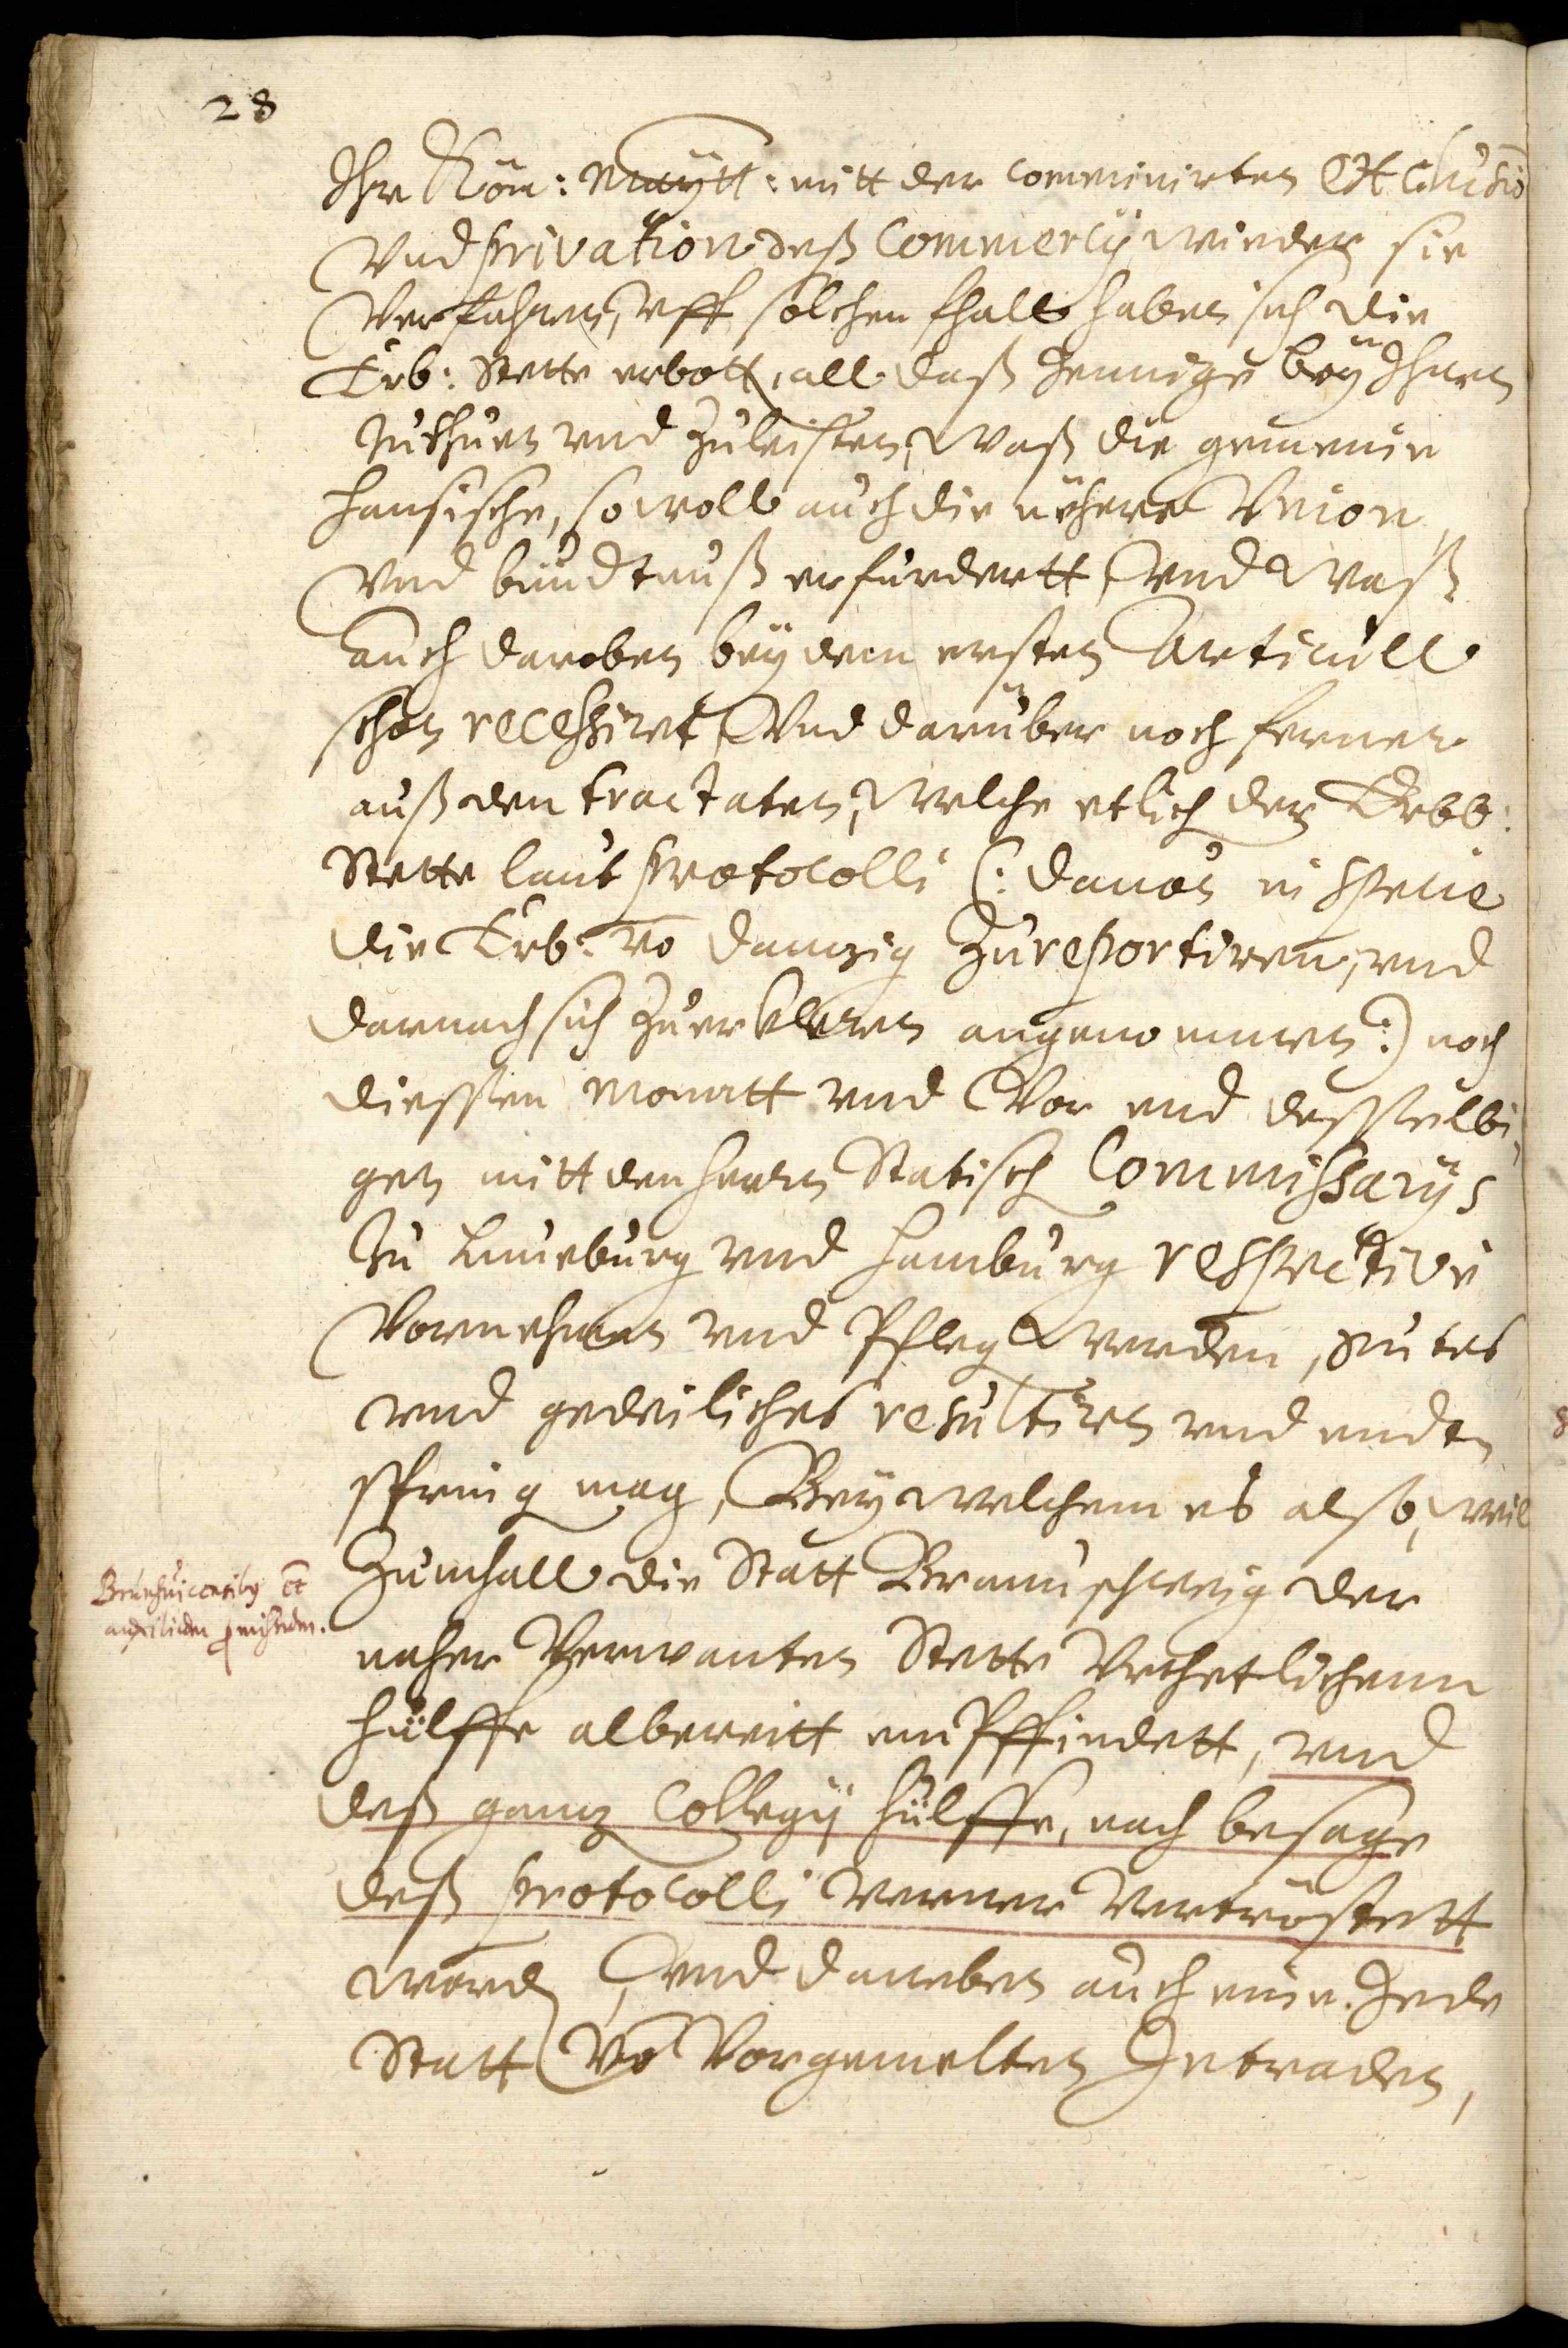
28
Brunsuicensibus et
auxilium pro missum.
Ihr Kön: Maytt: mitt der commiuirten exclusion
vnd privation deß commercij wieder sie
verfahren, vff solchen fhalll haben sich die
Erb: Stette erbotten, all daß jennige beij Ihnen
zuthuen vnd zuleisten, waß die gemeine
hansische, sowoll auch die nehere Vnion
vnd bündtnuß erfurdertt, vnd waß
auch daroben beij dem ersten Articull
schon recessiret, Vnd darüber noch ferner
auß den tractaten, welche etlichen der Erbb:
Stette laut protocolli (: dauon in specie
die Erb: von Dantzig zu reportiren, vnd
darnach sich zu erkleren angenommen :) noch
diessen Monatt vnd vor und desselbi¬
gen mitt den herrn Statischen Commissarijs
zu Luneburg vnd Hamburg respective
Vornehmen vnd Pflegen werden, gutes
vnd gedeiliches resultirn vnd endt¬
springen mag, Beij welchem es also, weil
Zumhall die Statt Braunschweig, der
naher verwanten Stette Vrihetlichenn
hülffe albereitt empffindett, vnd
deß gantzen Collegij hülffe, nach besage
deß protocolli verner vertröstett
worden, vnd daneben auch einn jede
Statt von Vorgemelten Intraden,
